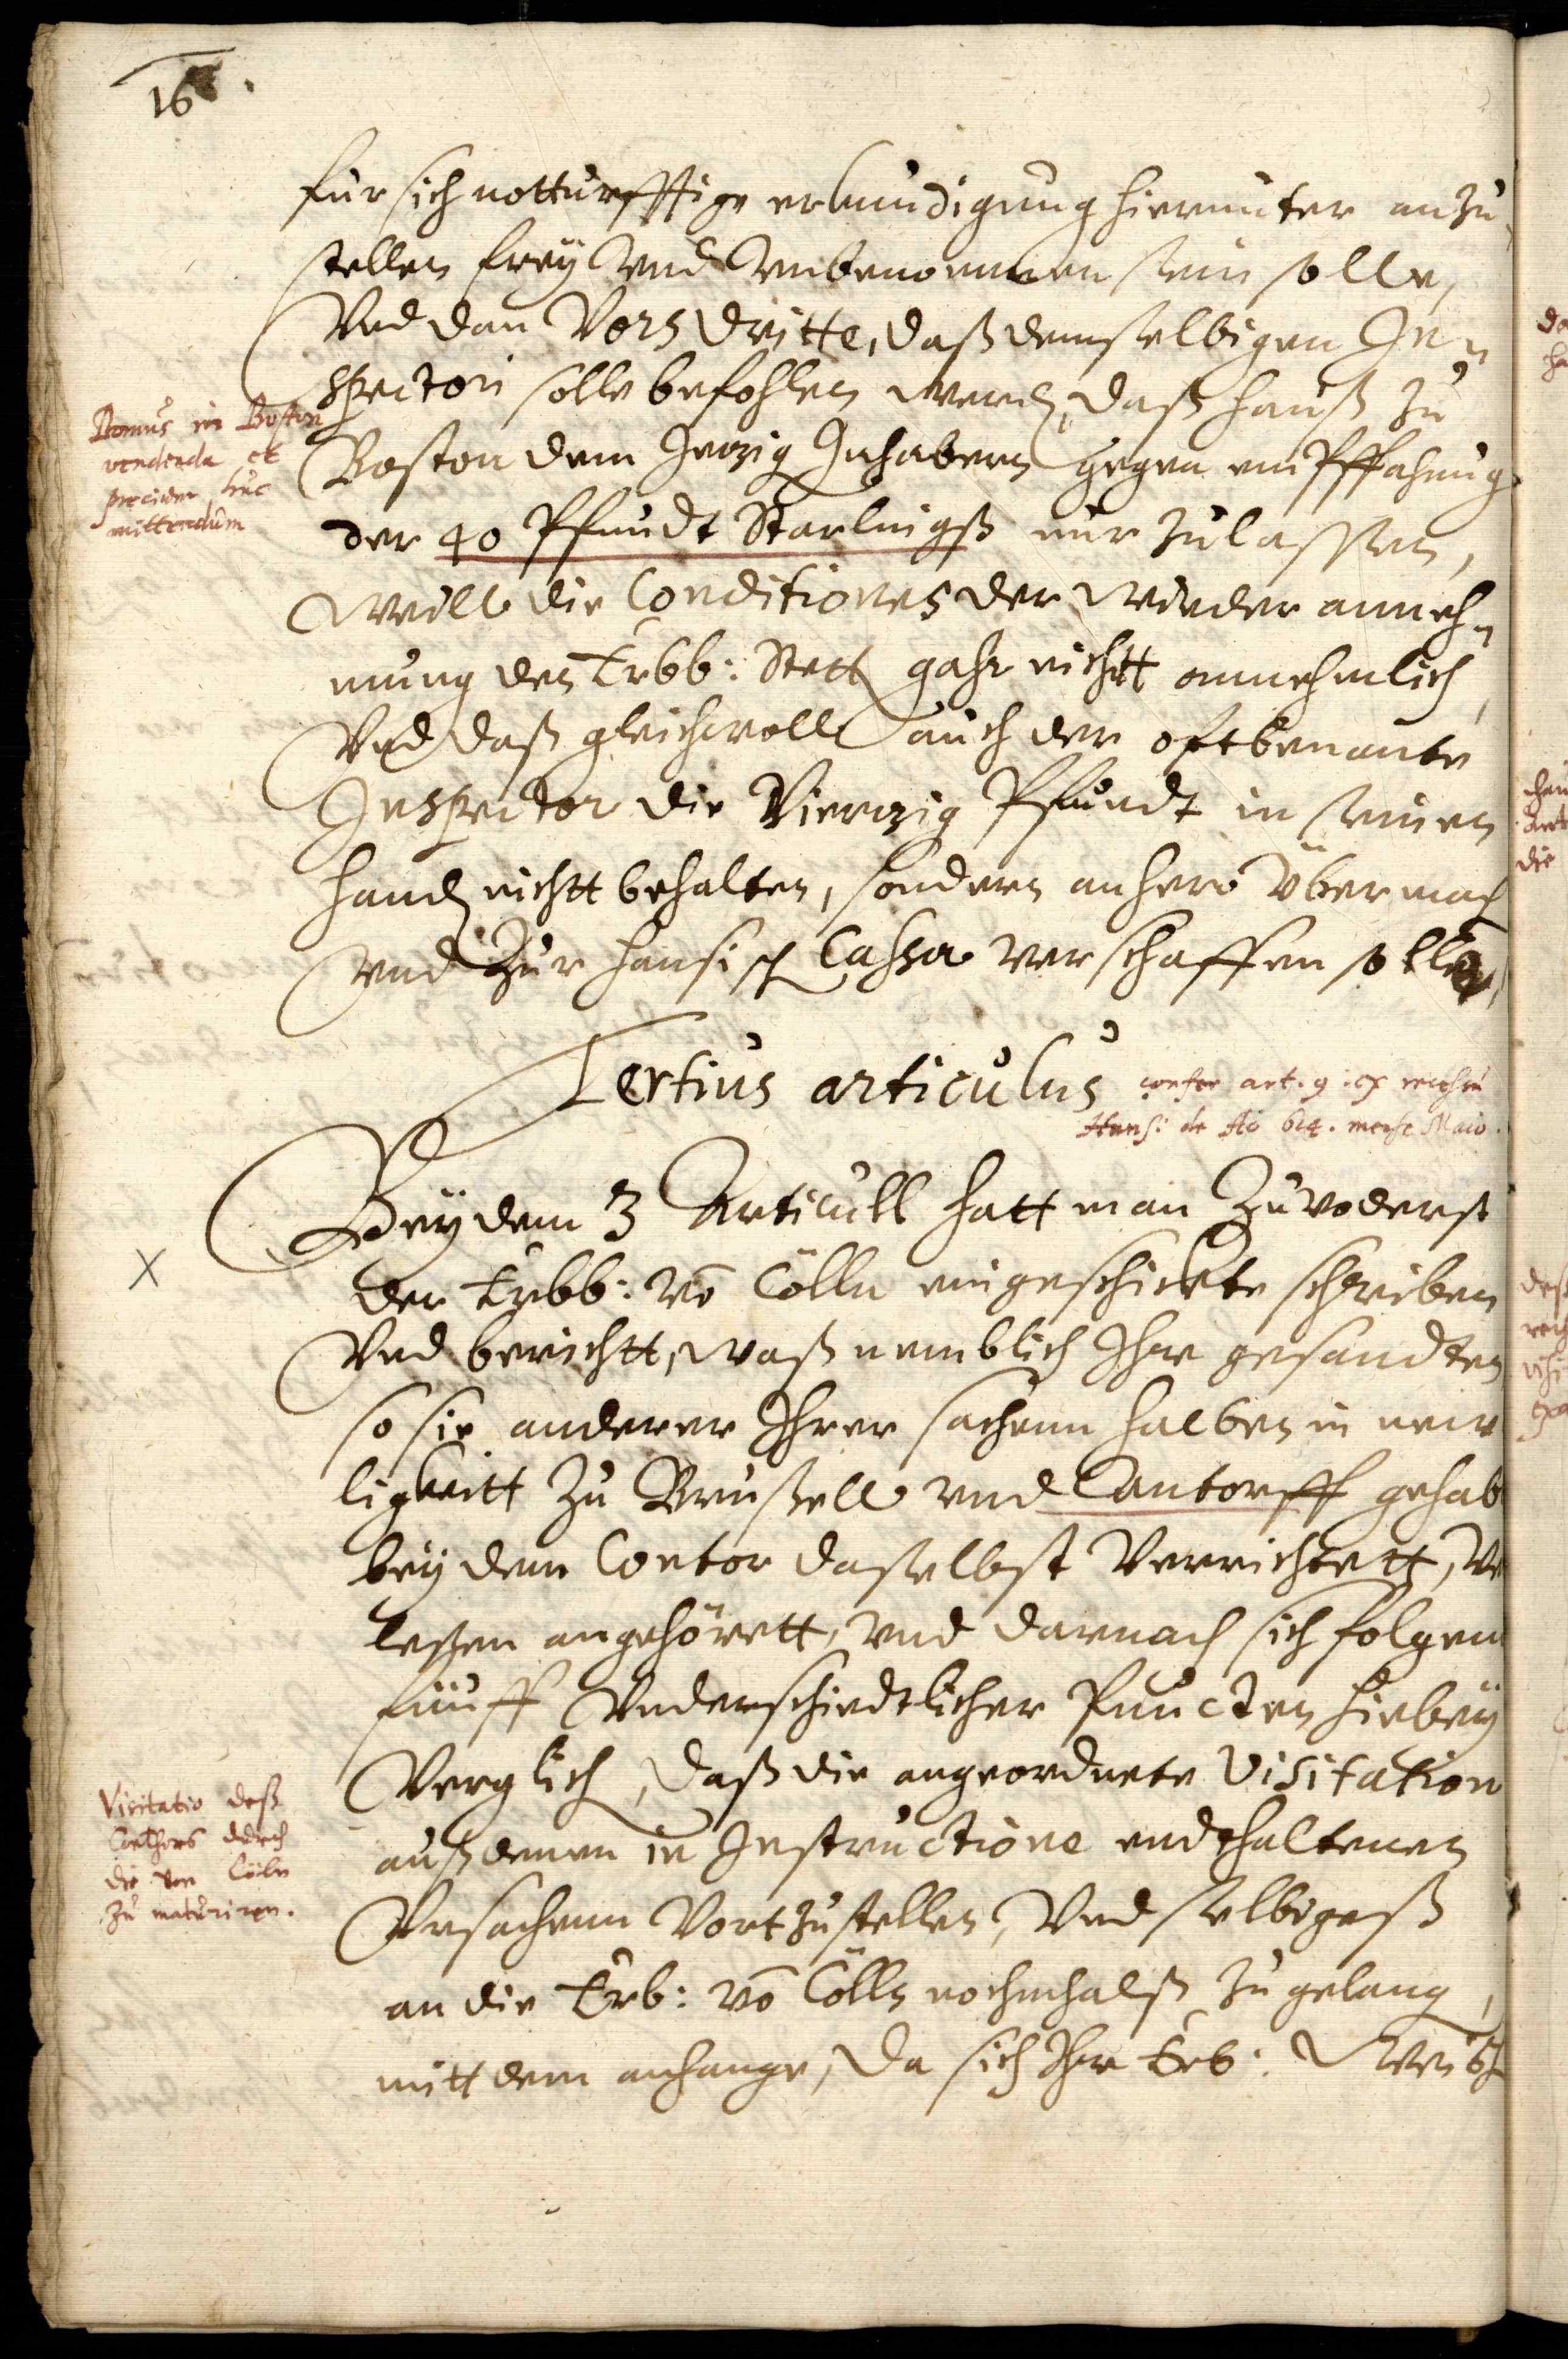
16.
Domus in Boston
vendenda et
precider huc
mittendum
fur sich notturfftige erkundigung hierunter anzu¬
stellen freij vnd vnbenommen sein solle,
Vnd dan Vors Dritte, daß demselbigen In¬
spectori solle befohlen werden, daß hauß zu
Boston dem jetzigen Inhabern gegen empffahung
der 40 Pfundt Starlingß nur zulassen,
weill die Conditiones der wieder anneh¬
mung den Erbb: Stetten gahr nichtt annehmlich,
Vnd daß gleichwoll auch der oftbenante
Inspector die Viertzig Pfundt in seinen
handen nichtt behalten, sondern anhero vber machen
vnd zur hansischen Cassa verschaffen solle,
contor art. 9: X recessu
Hansi de Ao 614. mense Maio.
Tertius articulus
Beij dem 3 Articull hatt man zuvoderst
der Erbb: von Cölln eingeschickte schreiben
Vnd berichtt, waß nemblich Ihre gesandten
so sie anderer Ihrer sachenn halben in new
ligkeitt zu Brußell vnd Antorff gehab
beij dem Contor daselbst Verrichtett, Ve
lesen angehörett, vnd darnach sich folgen
fünff vnderschiedtlicher Puncten hiebeij
Verglichen, daß die angeordnete Visitation
auß denen in Instructione endthaltenen
Vrsachenn Vortzustellen, Vnd selbigeß
an die Erb: von Colln nochmhalß zu gelangen
mitt dem anhange, Da sich Ihre Erb: Weish
X
Visitatio deß
Conthors durch
die von Cöln
zu maturiren.
